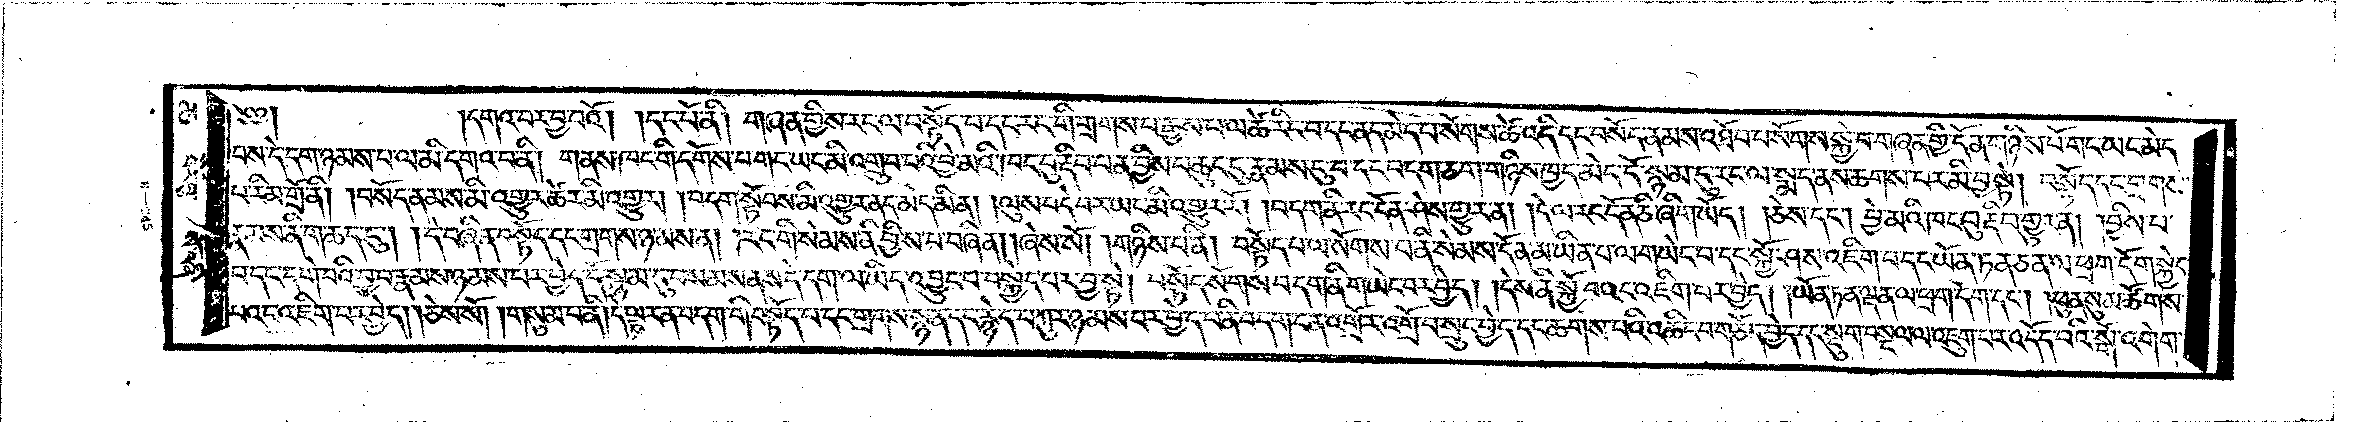༄༅། །དགའ་བར་བྱ་བའོ། །དང་པོ་ནི། གཞན་གྱིས་རང་ལ་བསྟོད་པ་དང་རང་གི་གྲགས་པ་རྒྱས་པ་ལ་ཚེ་རིང་པ་དང་ནད་མེད་པ་སོགས་ཚེ་འདི་དང་བསོད་ནམས་འཐོབ་པ་སོགས་སྐྱེ་བ་གཞན་གྱི་དོན་གཉིས་པོ་གང་ཡང་མེད་
བས་དེ་དག་ཉམས་པ་ལ་མི་དགའ་བ་ནི། གནས་ཁང་གི་དགོས་པ་གང་ཡང་མི་འགྲུབ་པའི་བྱེ་མའི་ཁང་བུ་རྡིབ་པ་ན་བྱིས་པ་ཆུང་ངུ་རྣམས་དུ་བ་དང་བདག་ཅག་གཉིས་ཁྱད་མེད་དོ་སྙམ་དུ་རང་ལ་སྨད་ནས་ཆགས་པར་མི་བྱ་སྟེ། བསྟོད་དང་གྲགས་
པ་རིམ་གྲོ་ནི། །བསོད་ནམས་མི་འགྱུར་ཚེར་མི་འགྱུར། །བདག་སྟོབས་མི་འགྱུར་ནད་མེད་མིན། །ལུས་བདེ་བར་ཡང་མི་འགྱུར་རོ། །བདག་ནི་རང་དོན་ཤེས་གྱུར་ན། །དེ་ལ་རང་དོན་ཅི་ཞིག་ཡོད། །ཅེས་དང་། བྱ་མའི་ཁང་བུ་རྡིབ་གྱུར་ན། །བྱིས་པ་
རྣམས་ནི་ག་ཆད་དུ། །དེ་བཞིན་བསྟོད་དང་གྲགས་ཉམས་ན། །རང་གི་སེམས་ནི་བྱིས་པ་བཞིན། །ཞེས་སོ། །གཉིས་པ་ནི། བསྟོད་པ་ལ་སོགས་པ་ནི་སེམས་དོན་མ་ཡིན་པ་ལ་གཡེང་བ་དང་སྐྱོ་ཤས་འཇིག་པ་དང་ཡོན་ཏན་ཅན་ལ་ཕྲག་དོག་སྐྱེད་
བ་དང་དགེ་བའི་བྱ་བ་རྣམས་ཉམས་པར་བྱེད་དོ་སྙམ་དུ་བསམས་ནས་དེ་དག་ལ་ཡིད་འབྱུང་བ་བསྐྱེད་པར་བྱ་སྟེ། བསྟོད་སོགས་བདག་ནི་གཡེང་བར་བྱེད། །དེས་ནི་སྐྱོ་བའང་འཇིག་པར་བྱེད། །ཡོན་ཏན་ལྡན་ལ་ཕྲག་དོག་དང་། །ཕུན་སུམ་ཚོགས་
པའང་འཇིག་པར་བྱེད། །ཅེས་སོ། །གསུམ་པ་ནི། དེ་ལྟར་ན་བདག་གི་བསྟོད་པ་དང་གྲགས་སྙན་དང་རྙེད་པ་ཀུར་ཉམས་པར་བྱེད་པ་ནི་བདག་ངན་འགྲོར་འགྲོ་བ་སྲུང་བྱེད་དང་ཆགས་པའི་འཆིང་པ་གནོད་བྱེད་དང་སྡུག་བསྔལ་ལ་འཇུག་པར་འདོད་པའི་སྒོ་འགོག་